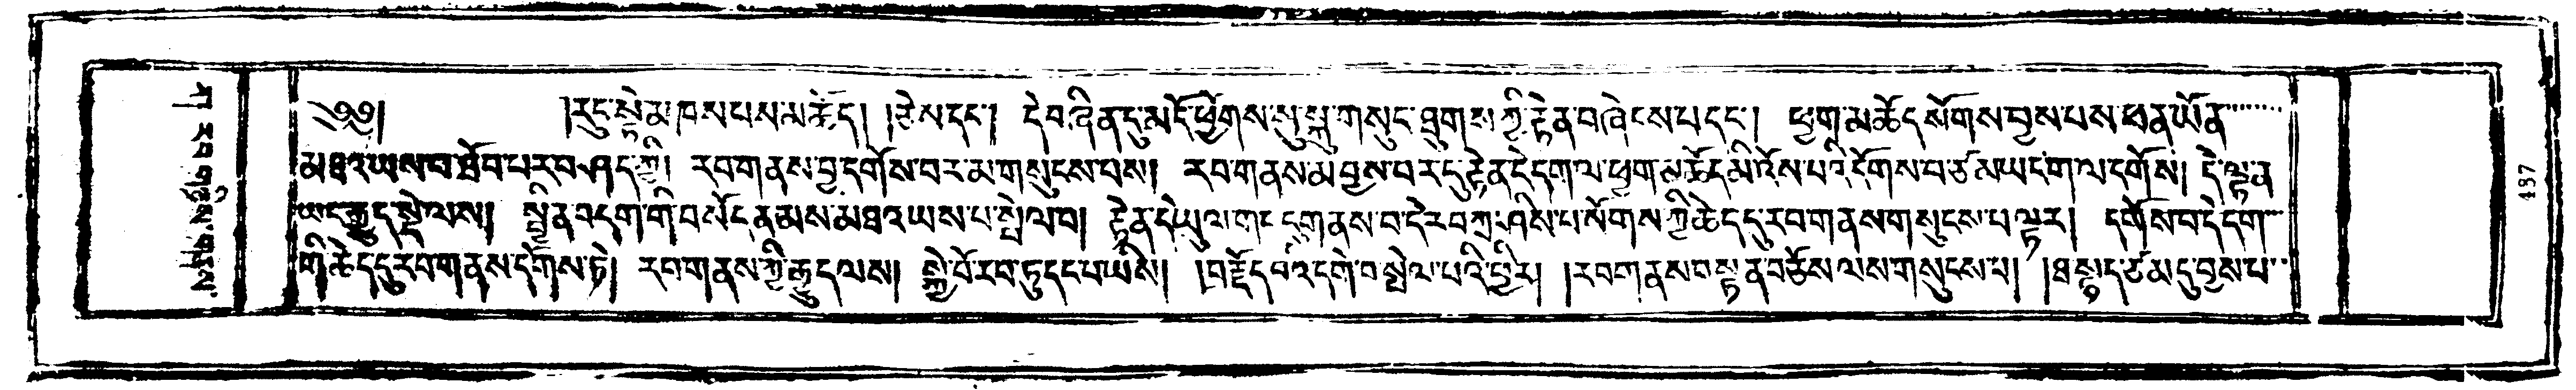༄༅། །རུང་སྟེ་མཁས་པས་མཆོད། །ཅེས་དང་། དེ་བཞིན་དུ་མདོ་ཕྱོགས་སུ་སྐུ་གསུང་ཐུགས་ཀྱི་རྟེན་བཞེངས་པ་དང་། ཕྱག་མཆོད་སོགས་བྱས་པས་ཕན་ཡོན་
མཐའ་ཡས་བ་ཐོབ་པར་བཤད་ཀྱི། རབ་གནས་བྱ་དགོས་པར་མ་གསུངས་པས། རབ་གནས་མ་བྱས་བར་དུ་རྟེན་དེ་དག་ལ་ཕྱག་མཆོད་མི་འོས་པའི་དོགས་བ་ཙམ་ཡང་ག་ལ་དགོས། དེ་ལྟ་ན་
ཡང་རྒྱུད་སྡེ་ལས། སྦྱིན་བདག་གི་བསོད་ནམས་མཐའ་ཡས་པ་སྤེལ་བ། རྟེན་དེ་ཡུལ་གང་དུག་ནས་བ་དེར་བཀྲ་ཤིས་པ་སོགས་ཀྱི་ཆེད་དུ་རབ་གནས་གསུངས་པ་ལྟར། དགོས་པ་དེ་དག་
གི་ཆེད་དུ་རབ་གནས་དོགས་ཏེ། རབ་གནས་ཀྱི་རྒྱུད་ལས། སྐྱེ་བོ་རབ་ཏུ་དང་པ་ཡིས། །བརྗོད་བའི་དགེ་བ་སྤེལ་པའི་ཕྱིར། རབ་གནས་བསྟན་བཅོས་ལས་གསུངས་པ། །ཐ་སྙད་ཙམ་དུ་བྱས་པ་